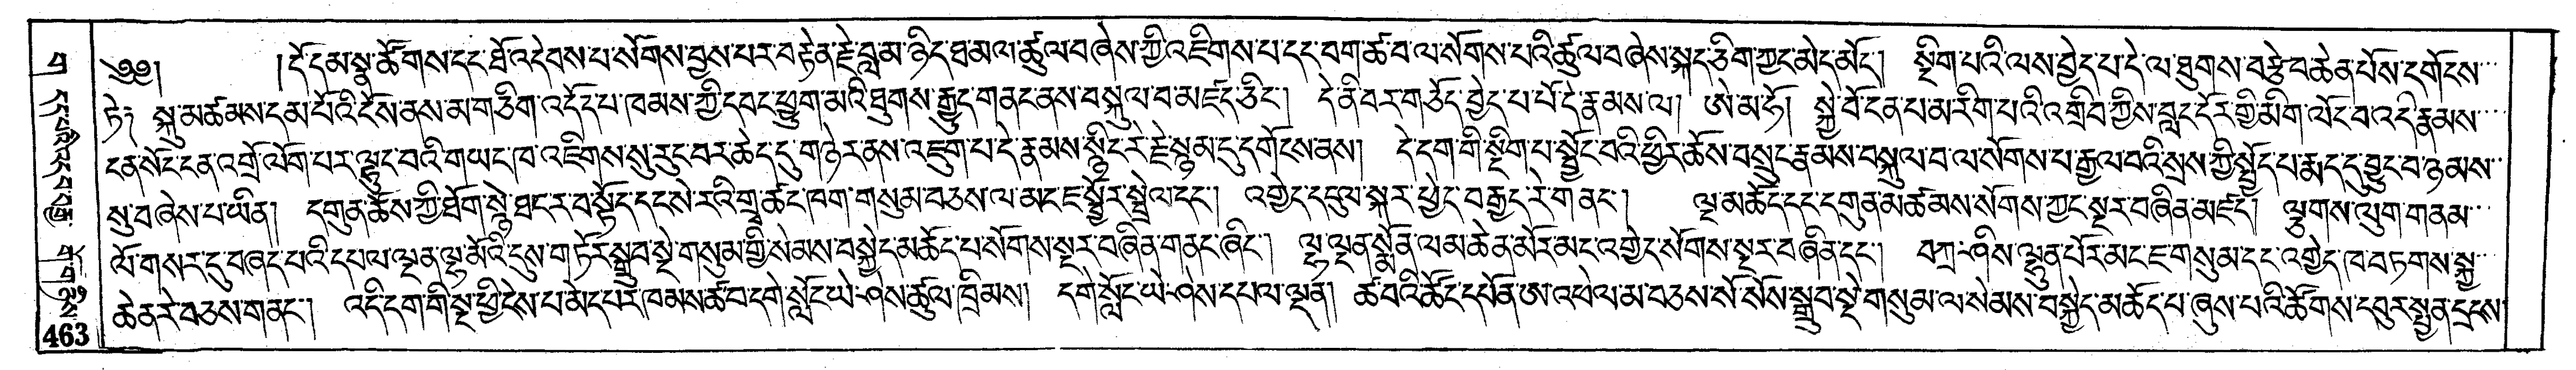༄༅། །དོ་དམ་སྣ་ཚོགས་དང་ཐོ་འདེབས་པ་སོགས་བྱས་པར་བརྟེན་རྗེ་བླ་མ་ཉིད་ཐ་མལ་ཚུལ་བཞེས་ཀྱི་འཇིགས་པ་དང་བག་ཚ་བ་ལ་སོགས་པའི་ཚུལ་བཞེས་སྐད་ཅིག་ཀྱང་མེད་མོད། སྡིག་པའི་ལས་བྱེད་པ་དེ་ལ་ཐུགས་བརྩེ་བ་ཆེན་པོས་དགོངས་
ཏེ༑ སྐུ་མཚམས་དམ་པོའི་ངོས་ནས་མ་གཅིག་འདོད་པ་ཁམས་ཀྱི་དབང་ཕྱུག་མའི་ཐུགས་རྒྱུད་གནང་ནས་བསྐུལ་བ་མཛད་ཅིང་། དེ་ནི་བར་གཅོད་བྱེད་པ་པོ་དེ་རྣམས་ལ། ཨེམ་ཧོ། སྐྱེ་བོ་ངན་པ་མ་རིག་པའི་འགྲིབ་ཀྱིས་བླང་དོར་གྱི་མིག་ལོང་པ་འདི་རྣམས་
ངན་སོང་ངན་འགྲོ་ལོག་པར་ལྷུང་བའི་གཡང་ཁ་འཇིགས་སུ་རུང་བར་ཆེད་དུ་གཉེར་ནས་འཇུག་པ་དེ་རྣམས་སྙིང་རེ་རྗེ་སྙམ་དུ་དགོངས་ནས། དེ་དག་གི་སྡིག་པ་སྦྱོང་བའི་ཕྱིར་ཆོས་བསྲུང་རྣམས་བསྐུལ་བ་ལ་སོགས་པ་རྒྱལ་བའི་སྲས་ཀྱི་སྤྱོད་པ་རྨད་དུ་བྱུང་བ་ཉམས་
སུ་བཞེས་པ་ཡིན། དགུན་ཆོས་ཀྱི་ཐོག་སྙེ་ཐང་ར་བསྟོད་དང་སེ་རའི་གྲྭ་ཚང་ཁག་གསུམ་བཅས་ལ་མང་ཇ་སྦྱོར་སྦྲེལ་དང་། འགྱེད་དངུལ་སྐར་ཕྱེད་བརྒྱད་རེ་གནང་། ལྔ་མཆོད་དང་དགུན་མཚམས་སོགས་ཀྱང་སྔར་བཞིན་མཛད། ལྕགས་ལུག་གནམ་
ལོ་གསར་དུ་བཞད་པའི་དཔལ་ལྡན་ལྷ་མོའི་དུས་གཏོར་སྒྲུབ་སྡེ་གསུམ་གྱི་སེམས་བསྐྱེད་མཆོད་པ་སོགས་སྔར་བཞིན་གནང་ཞིང་། ལྷ་ལྡན་སྨོན་ལམ་ཆེན་མོར་མང་འགྱེད་སོགས་སྔར་བཞིན་དང་། བཀྲ་ཤིས་ལྷུན་པོར་མང་ཇ་གསུམ་དང་འགྱེད་ཁ་བཏགས་སྐྱ་
ཆེན་རེ་བཅས་གནང་། འདི་དག་གི་སྔ་ཕྱི་ངེས་པ་མེད་པར་ཁམས་ཚ་བ་དགེ་སློང་ཡེ་ཤེས་ཚུལ་ཁྲིམས། དགེ་སློང་ཡེ་ཤེས་དཔལ་ལྡན། ཚ་བའི་ཚོང་དཔོན་ཨ་འཕེལ་མ་བཅས་སོ་སོས་སྒྲུབ་སྡེ་གསུམ་ལ་སེམས་བསྐྱེད་མཆོད་པ་ཞུས་པའི་ཚོགས་དབུར་སྤྱན་དྲངས་